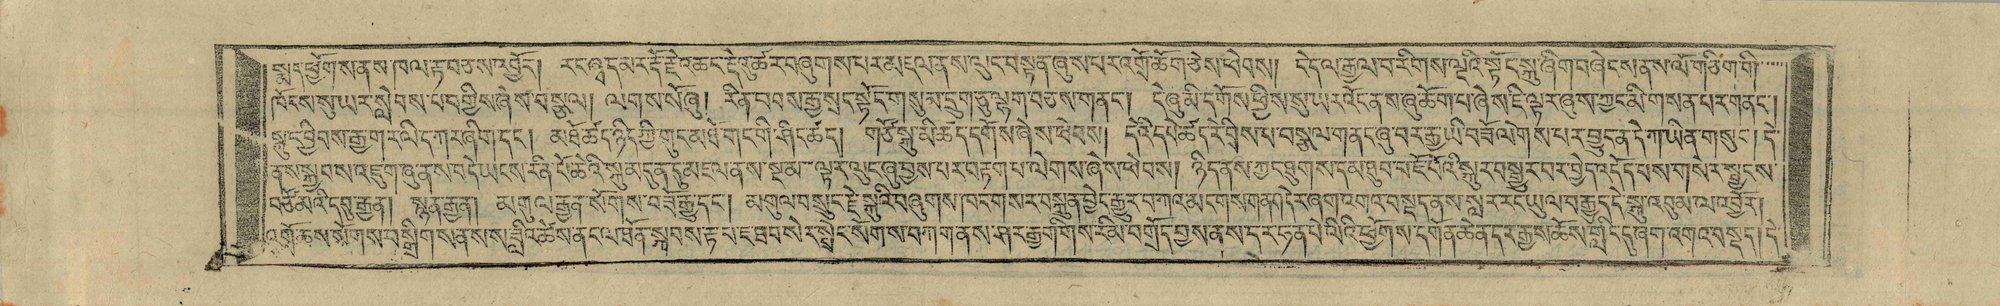སྨད་ཕྱོགས་ནས་ཁལ་རྟ་བཅས་འབྱོང་། རང་ཞྭ་དམར་རྡོ་རྗེ་འཆང་རྡེའུ་ཚར་བཞུགས་པར་མཇལ་ནས་ལུང་བསྟན་ཞུས་པར་འགྲོ་ཆོག་ཅེས་ཕེབས། ངེད་ལ་རྒྱལ་བ་རིགས་ལྔའི་སྟོང་སྐུ་ཞིག་བཞེངས་ནས་ལོ་གཅིག་གི་
ཁོངས་སུ་ཡར་སླེབས་པ་བགྱིས་ཞེས་བསྩལ། ལགས་སོ་ཞུ། རིན་བབས་རྒྱ་སྲང་སྟོང་གསུམ་དྲུག་ཅུ་ལྷག་བཅས་གནང་། དེ་ཞུ་མི་དགོས་ཕྱིས་སུ་ཡར་འོང་ནས་ཞུ་ཆོག་པ་ཞེས་ཇི་ལྟར་ཞུས་ཀྱང་མི་གསན་པར་གནང་།
སྐུ་དབྱིབས་རྒྱ་གར་ལི་དཀར་ཞིག་དང་། མཐོ་ཚད་ཉིད་ཀྱི་གུང་མཐོ་གང་གི་ཤིང་ཚད། གཙོ་སྐུ་མི་ཚད་དགོས་ཞེས་ཕེབས། དེའི་དཔེ་ཚད་རེ་བྲིས་པ་བསྩལ་གནང་ཞུ་བར་རྒྱ་ཡི་བཟོ་ལེགས་པར་བྱུང་ན་དེ་ཀ་ཡིན་གསུང་། དེ་
ནས་སྐྱབས་འཇུག་ཞུ་ནས་བདེ་ཡངས་རིན་པོ་ཆེའི་སྐུ་མདུན་དུ་མཇལ་ནས་སྔ་མ་ལྟར་ལུང་ཞུ་བྱས་པར་བརྟག་པ་ལེགས་ཞེས་ཕེབས། ཉིད་ནས་ཀྱང་ཐུགས་དམ་ཐུབ་པ་ཇོ་བོའི་སྐུར་བསྒྱུར་བར་བྱེད་འདོད་པས་གསེར་སྦྱངས་
བཙོ་མའི་དབུ་རྒྱན། སྙན་རྒྱན། མགུལ་རྒྱན་སོགས་བཟོ་རྒྱུ་དང་། མགུལ་བསྲུང་རྗེ་སྐུའི་བཞུགས་ཁང་གསར་བསྐྲུན་བྱེད་རྒྱུར་བཀའ་མངགས་གནང་། དེར་ཞག་འགའ་བསྡད་ནས་སླར་རང་ཡུལ་བྲྱྒུད་དེ་སྐུ་འབུམ་ལ་འབྱོར།
འགྲོ་ཆས་སོགས་བསྒྲིགས་ནས་ས་ཟླའི་ཚེས་ནང་ལ་ཐོན་སྐབས་རྟ་པ་ཇ་ཐབ་སེར་སྤྲེང་སོགས་བཀག་ནས་ཤར་རྒྱག་གིས་རིམ་བགྲོད་བྱས་ནས་དར་ཧན་པེ་ལིའི་ཕྱོགས་དགོན་ཆེན་དར་རྒྱས་ཆོས་གླིང་དུ་ཞག་འགའ་བསྡད། དེ་